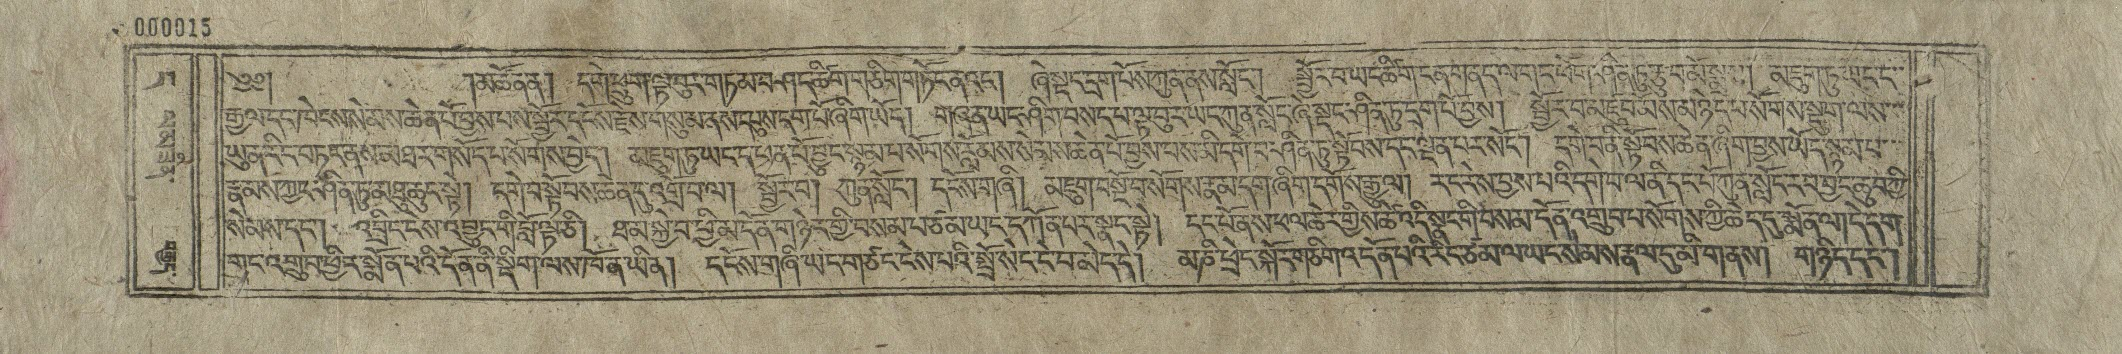༄༅། །མཚོན་ན། དགེ་ཕྲུག་ལྟ་བུར་གཏམ་བཤད་ཚིག་གཅིག་གཏོང་ནའང་། ཞེ་སྡང་དྲག་པོས་ཀུན་ནས་སློང་། སྦྱོར་བ་ཡང་ཚིག་ངན་གནད་ལ་གང་ཕོག་ཤིན་ཏུ་རྩུབ་མོ་སྨྲས། མཇུག་ཏུ་ཡང་ང་
རྒྱལ་དང་ཁེངས་སེམས་ཆེན་པོ་བྱས་པས་སྦྱོར་དངོས་རྗེས་གསུམ་ནས་དཔུས་དག་པོ་ཞིག་ཡོད། གཞན་ཡང་ཤིག་བསད་པ་ལྟ་བུར་ཡང་ཀུན་སློང་ཞེ་སྡང་ཤིན་ཏུ་དྲག་པོ་བྱས། སྦྱོར་བ་མཛུབ་མོས་མཉེད་པ་སོགས་སྡུག་ལས་
ཡུན་རིང་བཏང་ནས་མཐར་གསོད་པ་སོགས་བྱེད། མཇུག་ཏུ་ཡང་ད་ཕན་པོ་བྱུང་སྙམ་པ་སོགས་རློམས་སེམས་ཆེན་པོ་བྱས་པས་མི་དགེ་བ་ཤིན་ཏུ་སྟོབས་དང་ལྡན་པར་སོང་། དགེ་བ་ནི་སྟོབས་ཆེན་ཞིག་བྱས་ཡོད་སྙམ་པ་
རྣམས་ཀྱང་ཤིན་ཏུ་མཐུ་ཆུང་སྟེ། དགེ་བ་སྟོབས་ཆེན་དུ་འགྲོ་བ་ལ། སྦྱོར་བ། ཀུན་སློང་། དངོས་གཞི། མཇུག་བསྔོ་བ་སོགས་རྣམ་དག་ཞིག་དགོས་རྒྱུ་ལ། རང་རེས་བྱས་པའི་དགེ་བ་ལ་ནི་དང་པོ་ཀུན་སློང་རབ་བྱང་ཆུབ་ཀྱི་
སེམས་དང་། འབྲིང་ངེས་འབྱུང་གི་བློ་ལྟ་ཅི། ཐ་མ་སྐྱེ་བ་ཕྱི་མ་དོན་གཉེར་གྱི་བསམ་པ་ཙམ་ཡང་དཀོན་པར་སྣང་སྟེ། དང་པོ་ནས་ཕལ་ཆེར་གྱིས་ཚེ་འདི་སྣང་གི་བསམ་དོན་འགྲུབ་པ་སོགས་ཀྱི་ཆེད་དུ་སྨོན་ལ། དེ་དག་
གང་འགྲུབ་ཕྱིར་སྨོན་པའི་དོན་ནི་སྡིག་ལས་ཁོ་ན་ཡིན། དངོས་གཞི་ཡང་གཙང་ངེས་པའི་སྤྲོ་སེང་ངེ་བ་མེད་དེ། མ་ཎི་ཕྲེང་སྐོར་གཅིག་འདོན་པའི་རིང་ཙམ་ལ་ཡང་སེམས་རྣལ་དུ་མི་གནས། གཉིད་དང་།